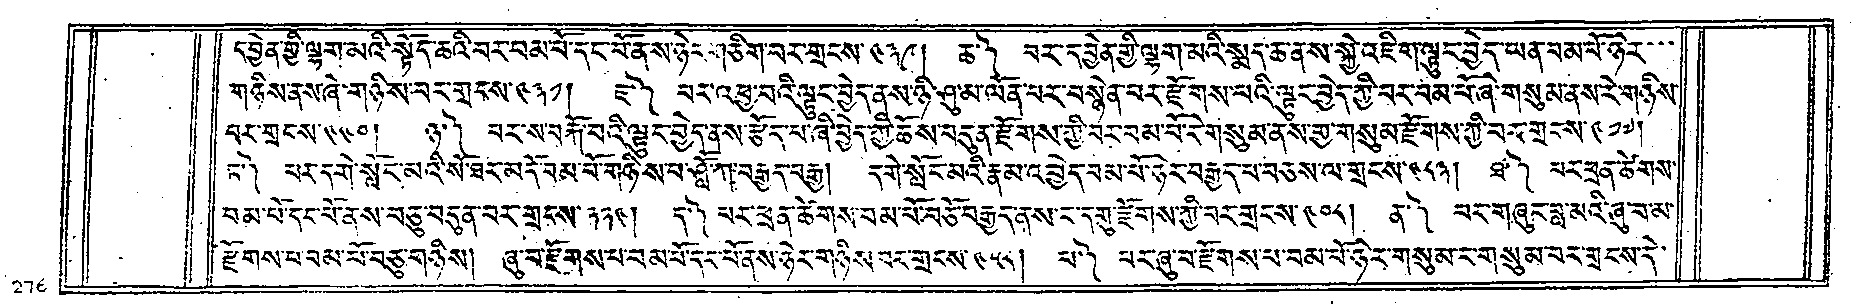དབྱེན་གྱི་ལྷག་མའི་སྟོད་ཆའི་བར་བམ་པོ་དང་པོ་ནས་ཉེར་གཅིག་བར་གྲངས ༤༣༩། ཆ་པར་དབྱེན་གྱི་ལྷག་མའི་སྨད་ཆ་ནས་སྐྱེ་འཇིག་ལྟུང་བྱེད་ཡན་བམ་པོ་ཉེར་
གཉིས་ནས་ཞེ་གཉིས་བར་གྲངས ༤༣༡། ཇ་པར་འཕྱ་བའི་ལྟུང་བྱེད་ནས་ཉི་ཤུ་མ་ལོན་པར་བསྙེན་པར་རྫོགས་པའི་ལྟུང་བྱེད་ཀྱི་བར་བམ་པོ་ཞེ་གསུམ་ནས་རེ་གཉིས་
བར་གྲངས ༤༤༠། ཉ་པར་ས་བརྐོ་བའི་ལྟུང་བྱེད་ནས་རྩོད་པ་ཞི་བྱེད་ཀྱི་ཆོས་བདུན་རྫོགས་ཀྱི་བར་བམ་པོ་རེ་གསུམ་ནས་གྱ་གསུམ་རྫོགས་ཀྱི་བར་གྲངས ༤༡༧།
ཏ༼་པར་དགེ་སློང་མའི་སོ་ཐར་མདོ་བམ་པོ་གཉིས་པ་ཤླཽ་ཀ་བརྒྱད་བརྒྱ། དགེ་སློང་མའི་རྣམ་འབྱེད་བམ་པོ་ཉེར་བརྒྱད་པ་བཅས་ལ་གྲངས ༤༨༣། ཐ༽ པར་ཕྲན་ཚེགས་
བམ་པོ་དང་པོ་ནས་བཅུ་བདུན་པར་གྲངས ༢༢༤། ད༼་པར་ཕྲན་ཚེགས་བམ་པོ་བཅོ་བརྒྱད་ནས་ང་དགུ་རྫོགས་ཀྱི་བར་གྲངས ༤༠༨། ན༽ པར་གཞུང་བླ་མའི་ཞུ་བ་མ་
རྫོགས་པ་བམ་པོ་བཅུ་གཉིས། ཞུ་བ་རྫོགས་པ་བམ་པོ་དང་པོ་ནས་ཉེར་གཉིས་བར་གྲངས ༤༥༨། པ་པར་ཞུ་བ་རྫོགས་པ་བམ་པོ་ཉེར་གསུམ་ང་གསུམ་བར་གྲངས་དེ་